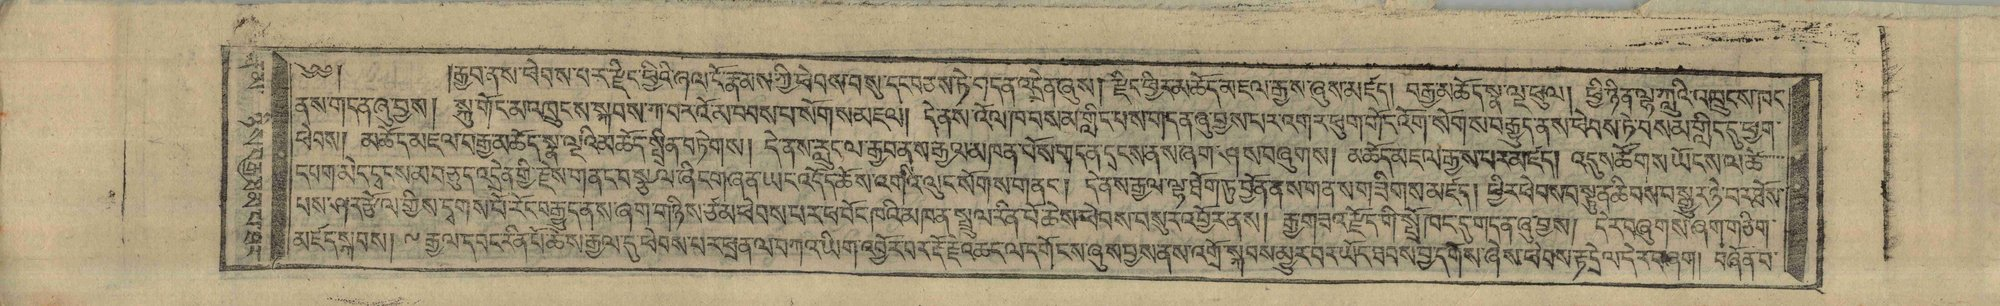༄༅། །རྒྱབ་ནས་ཕེབས་པར་རྫིང་ཕྱིའི་ཞལ་ངོ་རྣམས་ཀྱི་ཕེབས་བསུ་དང་བཅས་ཏེ་གདན་འདྲེན་ཞུས། རྫིང་ཕྱིར་མཆོད་མཇལ་རྒྱས་ཞུས་མཛད། བརྒྱ་མཆོད་སྣ་ལྔ་ཕུལ། ཕྱི་ཉིན་ལྷ་ཀླུའི་འཁྲུངས་ཁང་
ནས་གདན་ཞུ་བྱས། སྐུ་གོང་མ་འཁྲུངས་སྐབས་ཀ་བར་འོ་མ་བབས་པ་སོགས་མཇལ། དེ་ནས་འོལ་ཁ་བསམ་གླིང་པས་གདན་ཞུ་བྱས་པར་འགར་ཕུག་གོང་འོག་སོགས་བརྒྱུད་ནས་ཕེབས་ཏེ་བསམ་གླིང་དུ་ཕྱག་
ཕེབས༑ མཆོད་མཇལ་བརྒྱ་མཆོད་སྣ་ལྔའི་མཆོད་སྤྲིན་བཏེགས། དེ་ནས་རླུང་ལ་རྒྱབ་ནས་རྒྱལ་མཁན་པོས་གདན་དྲངས་ནས་ཞག་ཤས་བཞུགས། མཆོད་མཇལ་རྒྱས་པར་མཛད། འདུས་ཚོགས་ཡོངས་ལ་ཚེ་
དཔག་མེད་དྭངས་མ་བཅུད་འདྲེན་གྱི་རྗེས་གནང་བསྩལ་ཞིང་གཞན་ཡང་འདོད་ཆོས་འགའི་ལུང་སོགས་གནང་། དེ་ནས་རྒྱལ་ལྷ་ཐོག་ཏུ་བྱོན་ནས་གནས་གཟིགས་མཛད། ཕྱིར་ཕེབས་བསྟུན་ཆིབས་བསྒྱུར་ཉེ་བར་ཐོས་
པས་ཤར་རྩོལ་གྱིས་དྭགས་པོ་རོང་བརྒྱུད་ནས་ཞག་གཉིས་ཙམ་ཕེབས་པར་ཕ་བོང་ཁའི་མཁན་སྤྲུལ་རིན་པོ་ཆེས་ཕེབས་བསུར་འབྱོར་ནས། རྒྱ་གཟའ་རྫོང་གི་སྤྲོ་ཁང་དུ་གདན་ཞུ་བྱས། དེར་བཞུགས་ཞག་གཅིག་
མཛད་སྐབས། ༧རྒྱལ་དབང་རིན་པོ་ཆེས་རྒྱལ་དུ་ཕེབས་པར་ཕྲན་ལ་བཀའ་ཡིག་འབྱོར་བར་རྡོ་རྗེ་འཆང་ལ་དགོངས་ཞུས་བྱས་ནས་འགྲོ་སྐབས་མྱུར་བར་ཡོང་ཐབས་བྱ་དགོས་ཞེས་ཕེབས་རྟ་དྲེལ་དེར་བཞག །བཞོན་བ་